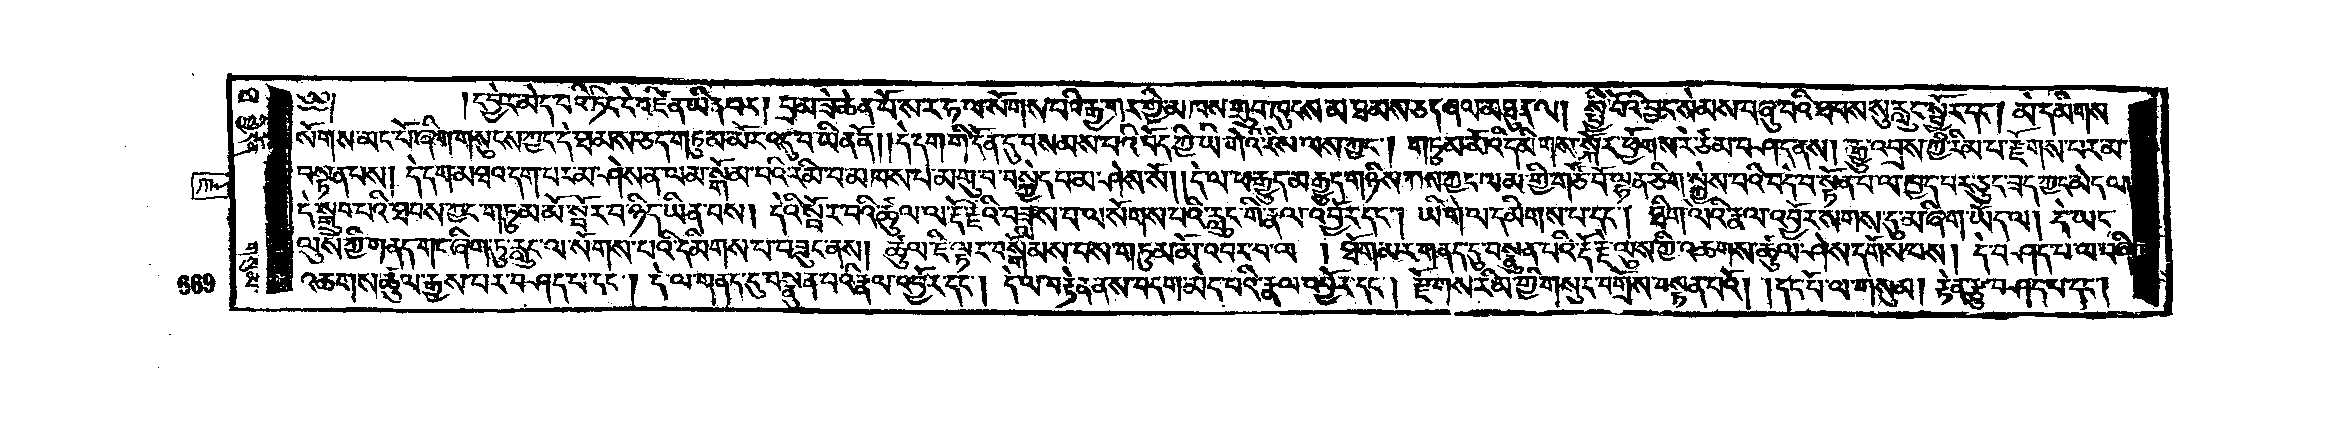༄༅། །དབྱེར་མེད་པའི་ཏིང་ངེ་འཛིན་ཡིན་པར། བྲམ་ཟེ་ཆེན་པོ་ས་ར་ཧ་ལ་སོགས་པའི་རྒྱ་གར་གྱི་མཁས་གྲུབ་ཁུངས་མ་ཐམས་ཅད་ཞལ་མཐུན་ལ། སྤྱི་བོའི་བྱང་སེམས་བཞུ་བའི་ཐབས་སུ་རླུང་སྦྱོར་དང་། མེ་དམིགས་
སོགས་མང་པོ་ཞིག་གསུངས་ཀྱང་དེ་ཐམས་ཅད་གཏུམ་མོར་འདུ་བ་ཡིན་ནོ། །དེ་དག་གི་དོན་དུ་བསམས་པའི་བོད་ཀྱི་ཡི་གེའི་རིས་ལས་ཀྱང་། གཏུམ་མོའི་དམིགས་སྐོར་ཕྱོགས་རེ་ཙམ་བཤད་ནས། རྒྱུ་འབྲས་ཀྱི་རིམ་པ་རྫོགས་པར་མ་
བསྟན་པས། དེ་དག་མཐའ་དག་པར་མ་ཤེས་ན་ལམ་སྒོམ་པའི་རིམ་པ་མཁས་པ་མགུ་བ་བསྐྱེད་པ་མ་ཤེས་སོ། །དེ་ལ་ཕ་རྒྱུད་མ་རྒྱུད་གཉིས་ཀས་ཀྱང་ལམ་གྱི་གཙོ་བོ་ལྷན་ཅིག་སྐྱེས་པའི་བདེ་བ་སྟོན་པ་ལ་ཁྱད་པར་ཅུང་ཟད་ཀྱང་མེད་ལ།
དེ་སྒྲུབ་པའི་ཐབས་ཀྱང་གཏུམ་མོ་སྦོར་བ་ཉིད་ཡིན་པས། དེའི་སྦོར་བའི་ཚུལ་ལ་རྡོ་རྗེའི་བཟླས་པ་ལ་སོགས་པའི་རླུང་གི་རྣལ་འབྱོར་དང་། ཡི་གེ་ལ་དམིགས་པ་དང་། ཐིག་ལེའི་རྣལ་འབྱོར་སོགས་དུ་མ་ཞིག་ཡོད་ལ། དེ་ཡང་
ལུས་ཀྱི་གནད་གང་ཞིག་ཏུ་རླུང་ལ་སོགས་པའི་དམིགས་པ་བཟུང་ནས། ཚུལ་ཇི་ལྟར་བསྒོམས་པས་གཏུམ་མོ་འབར་བ་ལ། ཐེག་མར་གནད་དུ་བསྣུན་པའི་རྡོ་རྗེ་ལུས་ཀྱི་འཆགས་ཚུལ་ཤེས་དགོས་པས། དེ་བཤད་པ་ལ་བཞི་
འཆགས་ཚུལ་རྒྱས་པར་བཤད་པ་དང་། དེ་ལ་གནད་དུ་བསྣུན་པའི་རྣལ་འབྱོར་དང་། དེ་ལ་བརྟེན་ནས་བདག་མེད་པའི་རྣལ་འབྱོར་དང་། རྫོགས་རིམ་གྱི་གསུང་བགྲོས་བསྟན་པའོ། །དང་པོ་ལ་གསུམ། རྟེན་རྩ་བཤད་པ་དང་།